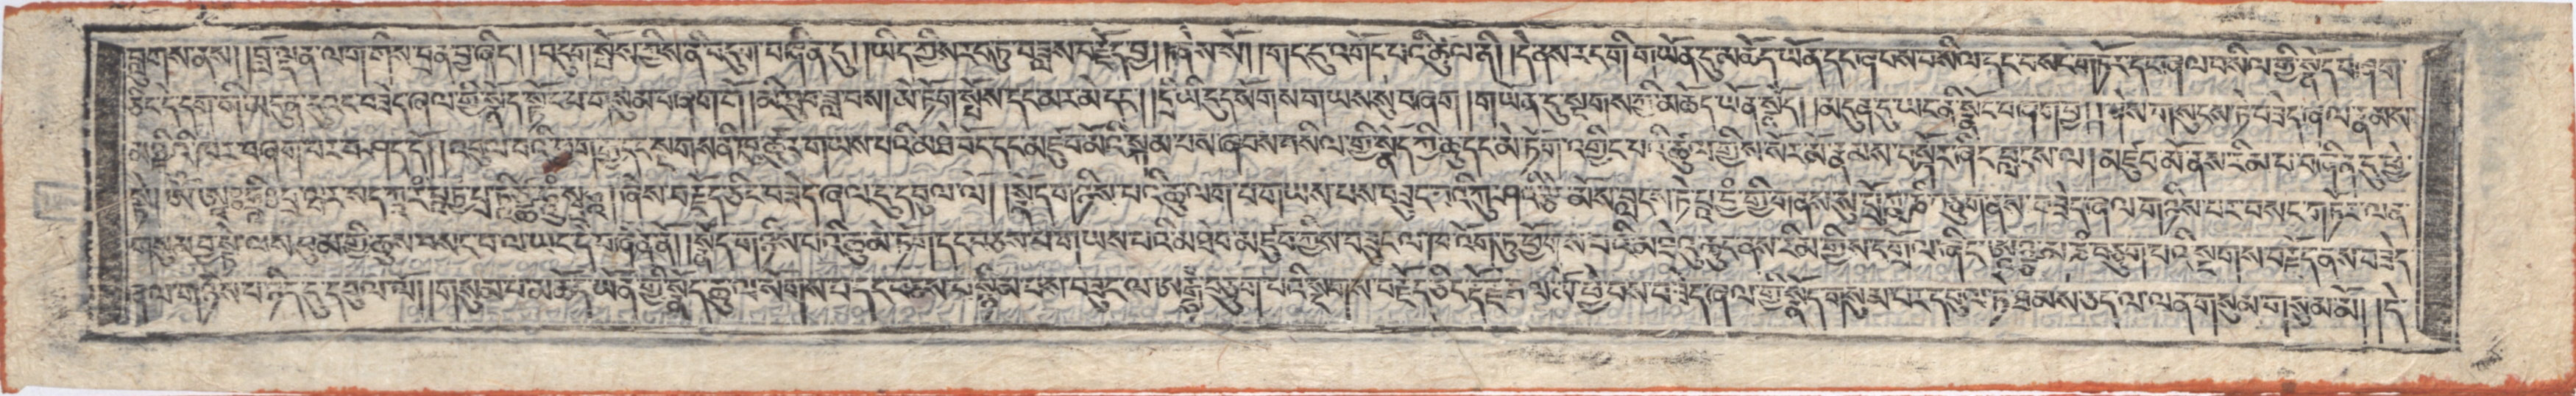བླུགས་ནས། །བློ་ལྡན་ལག་གིས་བྲན་བྱ་ཞིང་། །བདུག་སྤོས་ཀྱིས་ནི་བདུག་བཞིན་དུ། །ཡིད་ཀྱིས་རབ་ཏུ་བཟླས་བརྗོད་བྱ། །ཞེས་སོ། །གང་དུ་འགོད་པའི་ཚུལ་ནི། །དེ་ནས་རང་གི་གཡོན་དུ་མཆོད་ཡོན་དང་ཞབས་བསིལ་དང་བསང་གཏོར་དང་ཞལ་བསིལ་གྱི་སྣོད་བཞག་
ཅིང་དེ་དག་གི་མདུན་དུའང་བཟེད་ཞལ་གྱི་སྣོད་སྟོང་པ་གསུམ་བཞག་གོ །མི་ཐུབ་ཟླ་བས། མེ་ཏོག་སྤོས་དང་མར་མེ་དང་། །དྲི་ཡི་དུད་སོགས་གཡས་སུ་བཞག །གཡོན་དུ་སྔགས་ཀྱི་མཆོད་ཡོན་སྣོད། །མདུན་དུ་ཡང་ནི་སྣོད་བཞག་བྱ། །ཞེས་གསུངས་ཏེ་བཟེད་ཞལ་རྣམས་
མཉྫིའི་ཁར་བཞག་པར་བཤད་དོ། །འབུལ་བའི་ཕྱག་རྒྱ་དང་སྔགས་ནི་ཁུ་ཚུར་གཡས་པའི་མཐེ་བོང་དང་མཛུབ་མོའི་སྐམ་པས་ཞབས་བསིལ་གྱི་སྣོད་ཀྱི་ཆུ་དང་མེ་ཏོག་འགྱིང་པའི་ཚུལ་གྱིས་སོར་མོ་རྣམས་བསྐོར་ཞིང་བླངས་ལ། མཛུབ་མོ་ནས་རིམ་པ་བཞིན་དུ་ཕྱེ་
སྟེ། ཨོཾ་ཨཱཿ ཧྲཱིཿ པྲ་ཝར་སད་ཀཱ་རཾ་པཱ་ཏྱཾ་པྲ་ཏཱི་ཙྪ་ཧཱུཾ་སྭཱུ་ཧཱ། ཞེས་བརྗོད་ཅིང་བཟེད་ཞལ་དུ་དབུལ་ལོ། །སྣོད་གཉིས་པའི་ཆུ་ལག་པ་གཡས་པས་བཟུང་བའི་ཀུ་ཤའི་རྩེ་མོས་བླངས་ཏེ་པཱ་བྱཾ་གྱི་གནས་སུ་པྲོཀྵ་ཎི་བཅུག་ནས་བཟེད་ཞལ་གཉིས་པར་བསང་གཏོར་ལན་
གསུམ་བྱ་སྟེ་ལས་བུམ་གྱི་ཆུས་བསང་བ་ལ་ཡང་དེ་བཞིན་ནོ། །སྣོད་གཉིས་པའི་ཆུ་མེ་ཏོག་དང་བཅས་པ་གཡས་པའི་མཐེབ་མཛུབ་ཀྱིས་བཟུང་ལ་ཁ་འོག་ཏུ་ཕྱོགས་པའི་མཐེའུ་ཆུང་ནས་རིམ་གྱིས་དགྲོལ་ཞིང་ཨཱཉྩ་མ་ཎཾ་བཅུག་པའི་སྔགས་བརྗོད་ནས་བཟེད་
ཞལ་གཉིས་པ་ཉིད་དུ་དབུལ་ལོ། །གསུམ་པ་མཆོད་ཡོན་གྱི་སྣོད་ཆུ་ལ་སོགས་པ་དང་བཅས་པ་སྙིམ་པས་བཟུང་ལ་ཨརྒྷཾ་བཅུག་པའི་སྔགས་བརྗོད་ཅིང་རྡོ་རྗེ་ཐལ་མོ་ཕྱེ་བས་བཟེད་ཞལ་གྱི་སྣོད་གསུམ་པར་དབུལ་ཏེ་ཐམས་ཅད་ལ་ལན་གསུམ་གསུམ་མོ། །དེ་